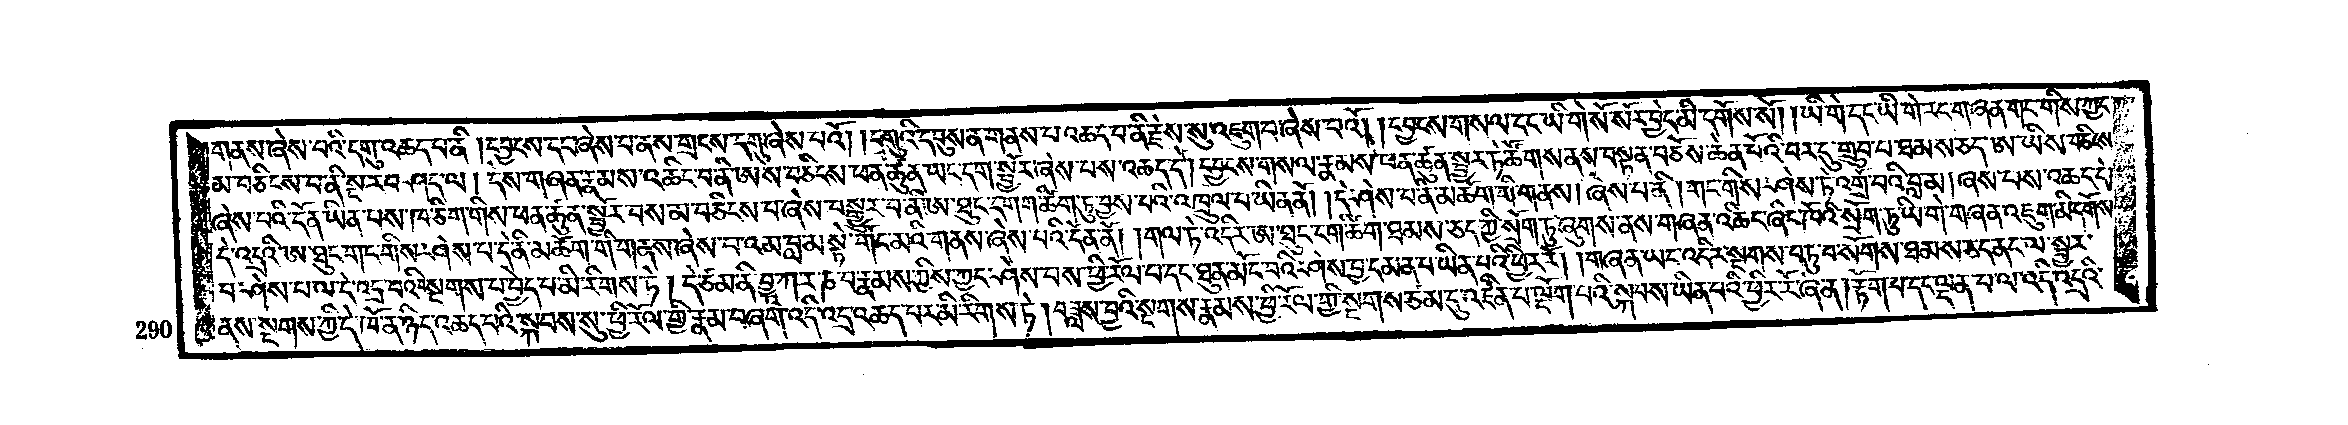གནས་ཞེས་པའི་དགུ་འཆད་པ་ནི། དབྱངས་དང་ཞེས་པ་ནས་གྲངས་དགུ་ཞེས་པའོ། །དགུའི་དབུས་ན་གནས་པ་འཆད་པ་ནི་རྗེས་སུ་འཇུག་པ་ཞེས་པའོ། །དབྱངས་གསལ་དང་ཡི་གེ་སོ་སོར་བྱེད་མི་དགོས་སོ། །ཡི་གེ་དང་ཡི་གེ་རང་གཞན་གང་གིས་ཀྱང་
མ་བཅིངས་པ་ནི་སྔར་བཤད་ལ། དེས་གཞན་རྣམས་འཆིང་བ་ནི་ཨས་བཅིངས་ཕན་ཚུན་ཡང་དག་སྦྱོར་ཞེས་པས་འཆད་དེ། དབྱངས་གསལ་རྣམས་ཕན་ཚུན་སྦྱར་ཏེ་ཚོགས་ནས་བསྟན་བཅོས་ཆེན་པོའི་བར་དུ་གྲུབ་པ་ཐམས་ཅད་ཨ་ཡིས་བཅིངས་
ཞེས་པའི་དོན་ཡིན་པས་ཁ་ཅིག་གིས་ཕན་ཚུན་སྦྱོར་བས་མ་བཅིངས་པ་ཞེས་བསྒྱུར་བ་ནི་ཨ་ཐུང་དགག་ཚིག་ཏུ་བྱས་པའི་འཁྲུལ་བ་ཡིན་ནོ། །དེ་ཤེས་པ་ནི་མཆོག་གི་གནས། ཞེས་པ་ནི། གང་གིས་ཤེས་ཏེ་འགྲོ་བའི་བླ་མ། ཞེས་པས་འཆད་དེ་
དེ་འདྲའི་ཨ་ཐུང་གང་གིས་ཤེས་པ་དེ་ནི་མཆོག་གི་གནས་ཞེས་པ་འམ་བླ་མ་སྟེ་གོང་མའི་གནས་ཞེས་པའི་དོན་ནོ། །གལ་ཏེ་འདིར་ཨ་ཐུང་ངག་ཚིག་ཐམས་ཅད་ཀྱི་སྲོག་ཏུ་ཞུགས་ནས་གཞན་འཆིང་ཞིང་ཁོའི་སྲོག་ཏུ་ཡི་གེ་གཞན་འཇུག་མི་དགོས་
ལ་ཤེས་པ་ལ་དེ་འདྲ་བའི་བསྔགས་པ་བྱེད་པ་མི་རིགས་ཏེ། དེ་ཙམ་ནི་བྱཱ་ཀ་ར་ཎ་པ་རྣམས་ཀྱིས་ཀྱང་ཤེས་པས་ཕྱི་རོལ་པ་དང་ཐུན་མོང་བའི་ཤེས་བྱ་དམན་པ་ཡིན་པའི་ཕྱིར་རོ། །གཞན་ཡང་འདིར་སྔགས་བཏུ་བ་སོགས་ཐམས་ཅད་ནང་ལ་སྦྱར་
ནས་སྔགས་ཀྱི་དེ་ཁོ་ན་ཉིད་འཆད་པའི་སྐབས་སུ་ཕྱི་རོལ་གྱི་རྣམ་བཞག་འདི་འདྲ་འཆད་པར་མི་རིགས་ཏེ། བཟླས་བྱའི་སྔགས་རྣམས་ཕྱི་རོལ་གྱི་སྔགས་ཙམ་དུ་འཛིན་པ་ལྡོག་པའི་སྐབས་ཡིན་པའི་ཕྱིར་རོ་ཞེ་ན། རྟོག་པ་དང་ལྡན་པ་ལ་འདི་འདྲའི་